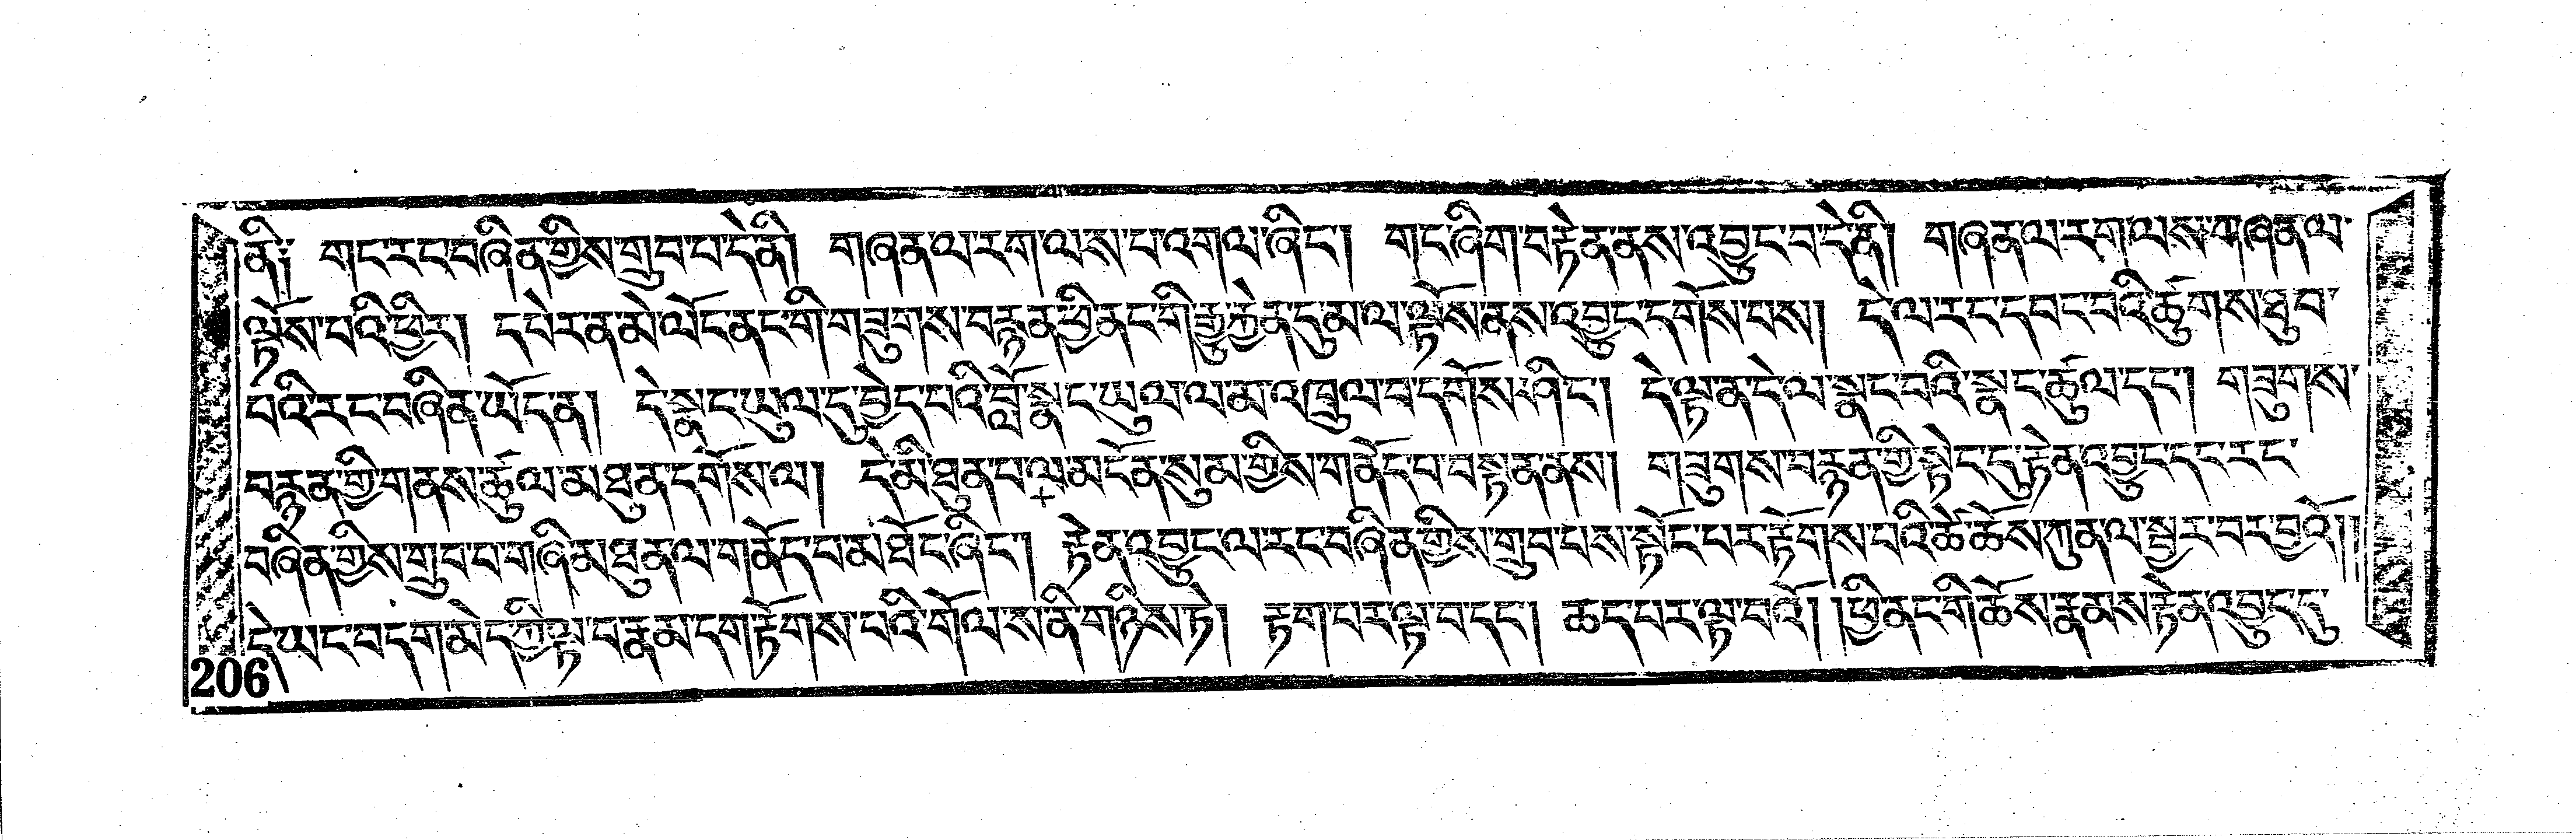ནི༑ གང་རང་བཞིན་གྱིས་གྲུབ་པ་དེ་ནི། གཞན་ལ་རག་ལས་པ་འགལ་ཞིང་། གང་ཞིག་བརྟེན་ནས་འབྱུང་བ་དེ་ནི། གཞན་ལ་རག་ལས་གཞན་ལ་
ལྟོས་པའི་ཕྱིར། དཔེར་ན་མེ་ལོང་ནང་གི་གཟུགས་བརྙན་ཕྱི་ནང་གི་རྒྱུ་རྐྱེན་དུ་མ་ལ་ལྟོས་ནས་འབྱུང་དགོས་པས། དེ་ལ་རང་དབང་བའི་ཚུགས་ཐུབ་
པའི་རང་བཞིན་ཡོད་ན། དེ་སྣང་ཡུལ་དུ་བྱེད་པའི་བློ་སྣང་ཡུལ་ལ་མ་འཁྲུལ་བ་དགོས་ཤིང་། དེ་ལྟ་ན་དེ་ལ་སྣང་བའི་སྣང་ཚུལ་དང་། གཟུགས་
བརྙན་གྱི་གནས་ཚུལ་མཐུན་དགོས་ལ། དེ་མི་ཐུན་པ་ལ་མངོན་སུམ་གྱིས་གནོད་པ་བསྟན་ནས། གཟུགས་བརྙན་གྱི་སྟེང་དུ་རྟེན་འབྱུང་དང་རང་
བཞིན་གྱིས་གྲུབ་པ་གཞི་མཐུན་ལ་གནོད་པ་མཐོང་ཞིང་། རྟེན་འབྱུང་ལ་རང་བཞིན་གྱིས་གྲུབ་པས་སྟོང་པར་རྟོགས་པའི་ཚེ་ཆོས་ཀུན་ལ་སྦྱར་བར་བྱའོ། །
དེ་ཡང་བདག་མེད་ཀྱི་ལྟ་བ་རྣམ་དག་རྟོགས་པའི་གོལ་ས་ནི་གཉིས་ཏེ། རྟག་པར་ལྟ་བ་དང་། ཆད་པར་ལྟ་བའོ། །ཕྱི་ནང་གི་ཆོས་རྣམས་རྟེན་འབྱུང་དུ་